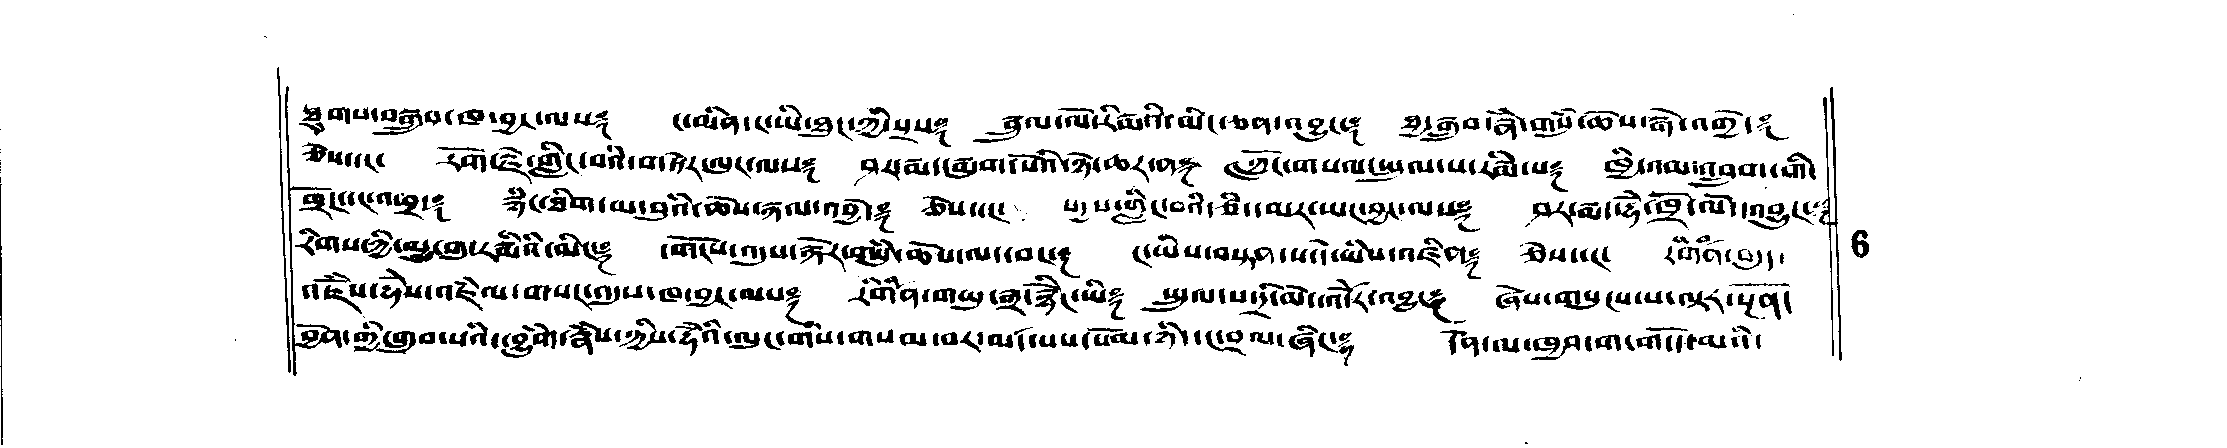ཐུགས་བསྒྲུབ་ཁ་བྱང་ལས། ང་མིན་ང་ཡི་ཐུགས་ཀྱི་སྲས། །སྦྲུལ་ལོ་རསྨིའི་མིང་ཅན་འབྱུང་། །ཐུགས་སྒྲུབ་རྣམ་གསུམ་ཆོས་སྒོ་འགྱེད། །
ཅེས་དང་། རོག་རྗེ་གླིང་པའི་གཏེར་ལུང་ལས།ཤར་སྨད་སྨུག་པོའི་ཉེ་ཆར་ན། །ཀློང་གསལ་སྤྲུལ་པ་རསྨི་པ། །ཁྱི་འམ་འབྲུག་གི་
གྲོགས་དང་འཕྲད། །སྙིང་ཐིག་མ་བུའི་ཆོས་སྐལ་འབྱེད། །ཅེས་དང་། སངས་རྒྱས་གླིང་པའི་རྩི་དམར་ཡང་བྱང་ལས། ཤར་སྨད་རྡོ་རྗེ་གྲོ་ལོད་འབྱུང་། །
རིགས་ཀྱི་མྱུ་གུ་རསྨིའི་མིང་། །དགོངས་འདུས་སྐོར་གསུམ་ཆོས་ལ་དབང་། །ང་ཡིས་བསྟན་པ་དེ་ཡིས་འཛིན། །ཅེས་དང་། རིག་འཛིན་བདུད་
འཇོམས་རྡོ་རྗེས་འཇམ་དཔལ་གསང་འདུས་ཁ་བྱང་ལས། རིག་འཛིན་གཡུ་སྒྲ་སྙིང་པོ་ཡི། །སྤྲུལ་པ་དྲི་མེད་འོད་ཟེར་འབྱུང་། །ཞེས་གསུངས་པ་ལྟར་སྔོན་
བྱོན་གྱི་གྲུབ་པའི་དབང་ཕྱུག་རྣམས་ཀྱིས་རྡོ་རྗེའི་ལུང་གིས་གསལ་བར་མཛད་པས་སོམ་ཉི་དང་བྲལ་ཞིང་། དོན་ལ་ཁྱབ་བདག་གདོད་མའི་